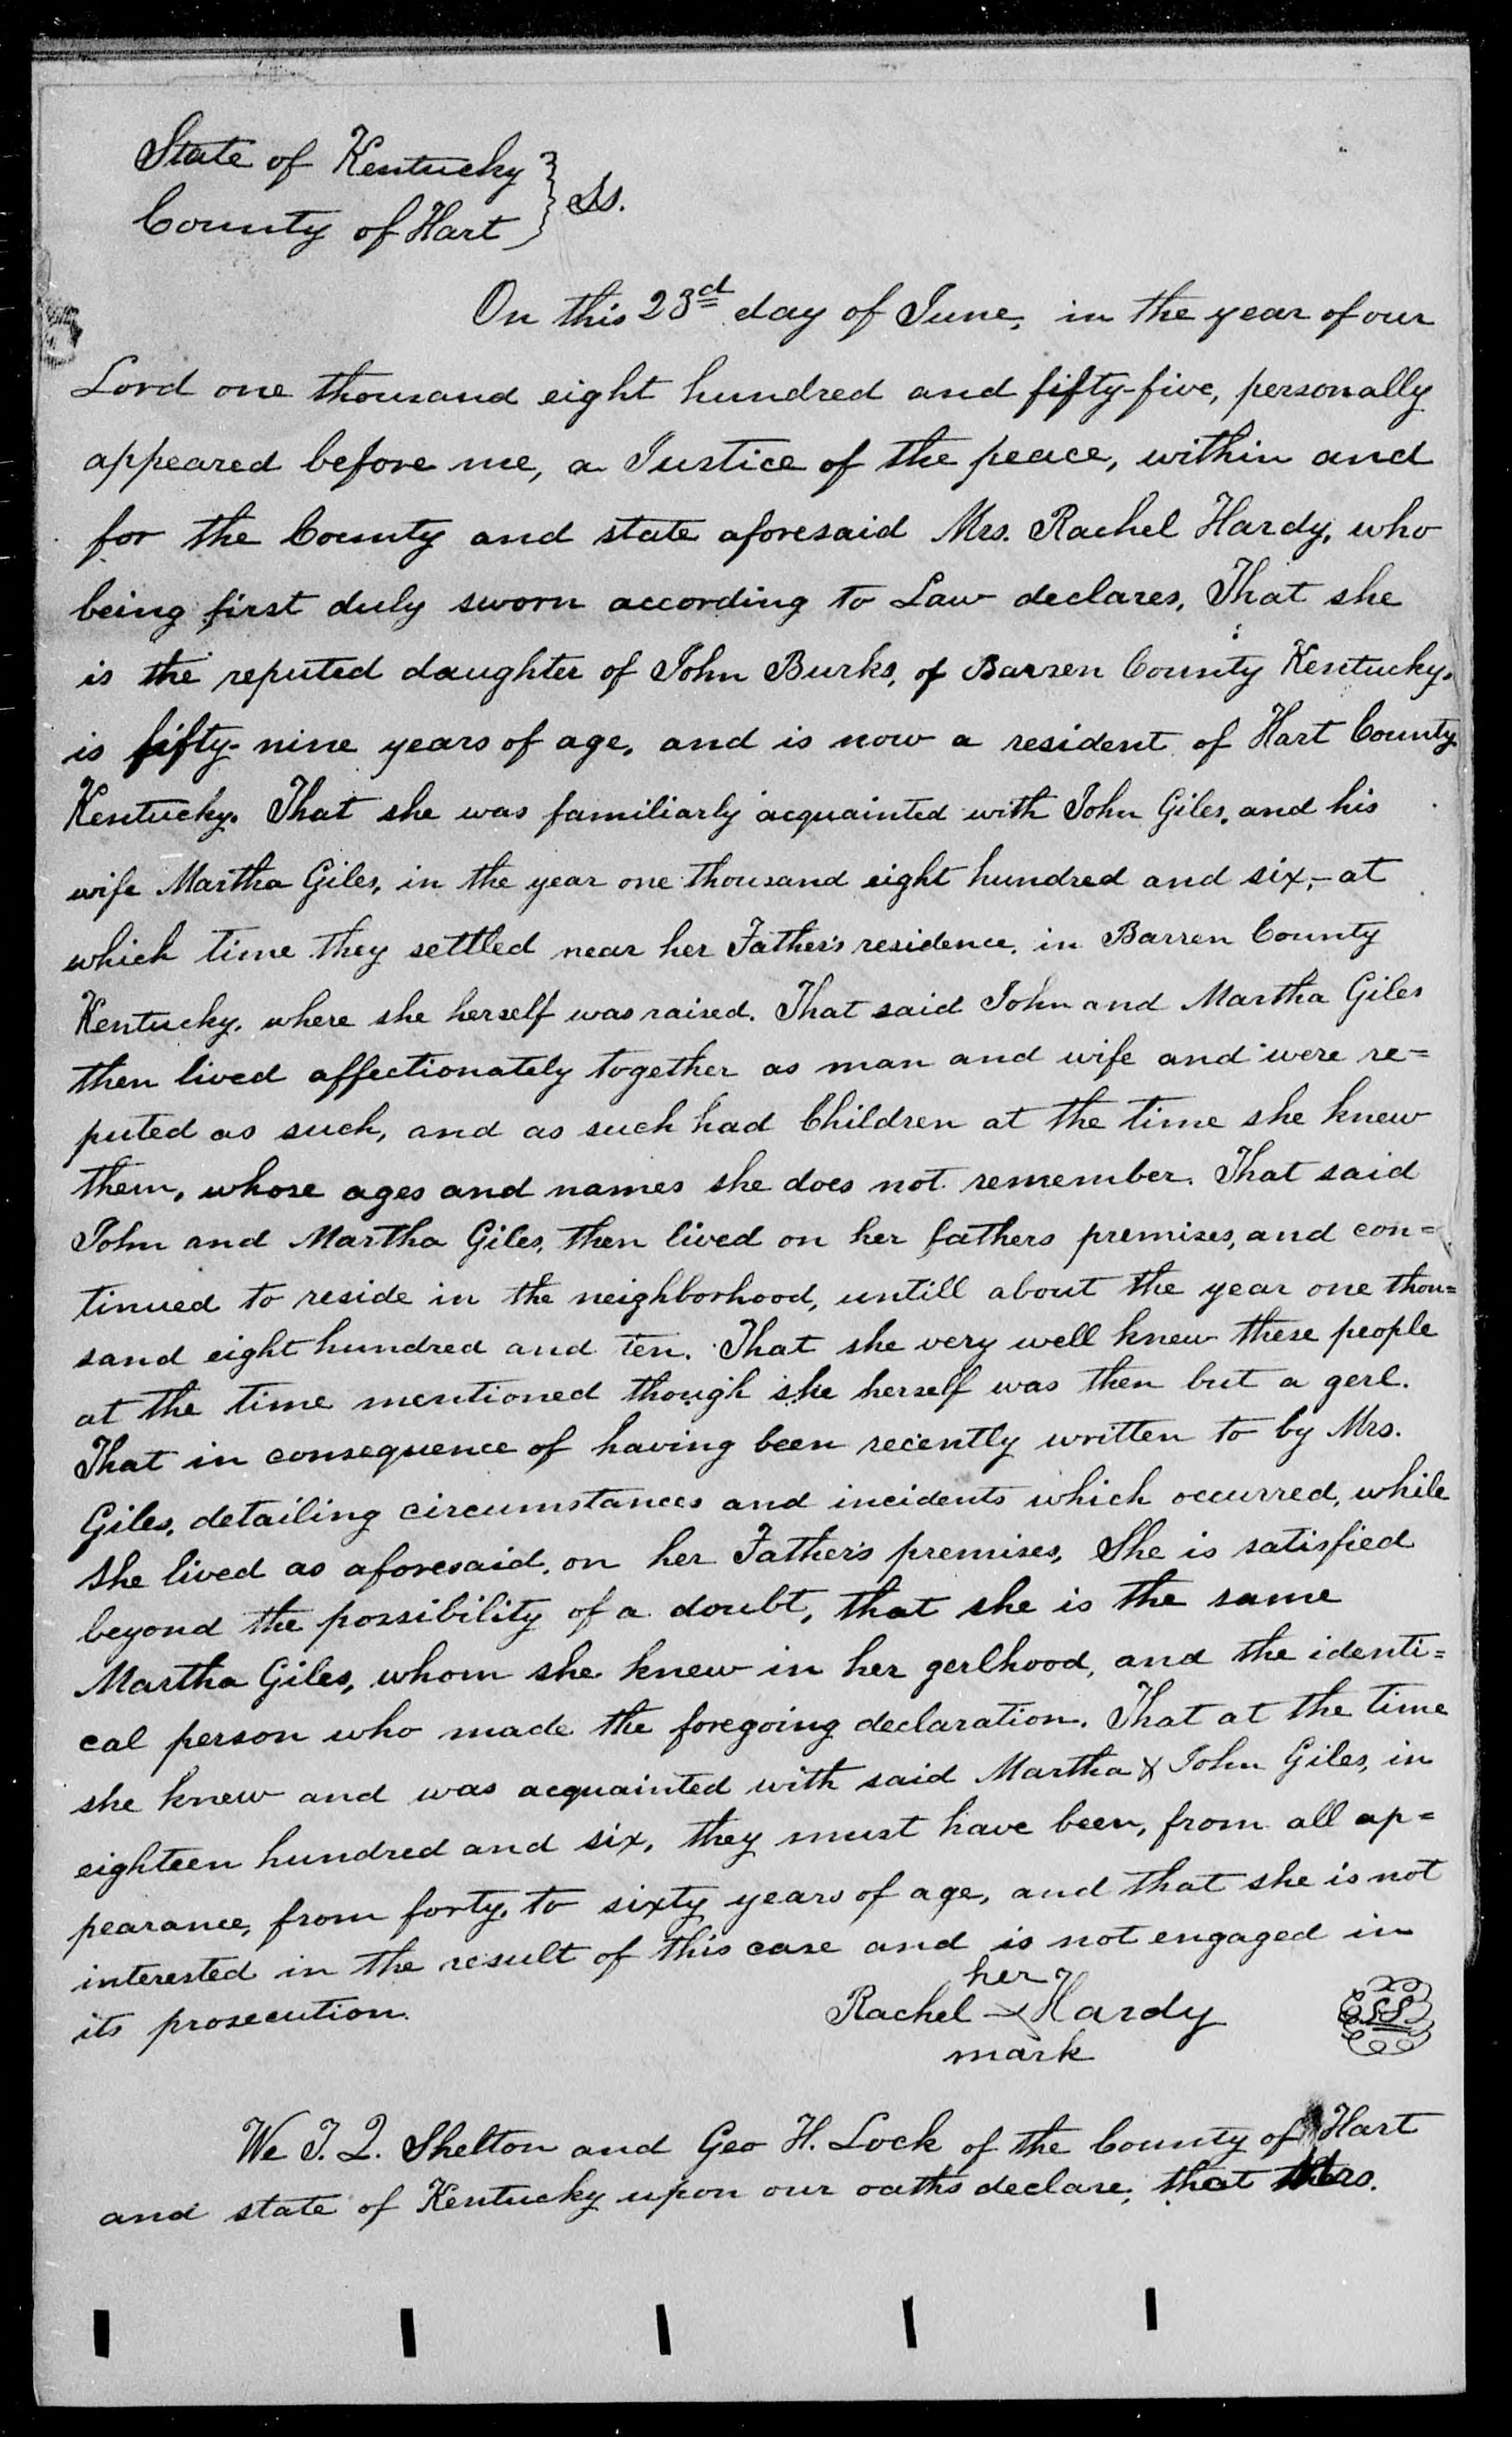State of Kentucky } Ss
County of Hart }

On this 23rd day of June, in the yea of our Lord on thousand eight hundred and fifty-five personally appeared before me, a Justice of the peace, within and for the County and state aforesaid Mrs. Rachel Hardy, who being first duly sworn according to Law declares. That she is the reputed daughter of John Burks, of Barren County Kentucky, is fifty-nine years of age, and is now a resident of Hart County Kentucky. That she was familiarly acquainted with John Gils, and his wife Martha Giles, in the year one thousand eight hundred and six at which time they settled near her father's residence in Barren County Kentucky, where she herself was raised. That said John and Martha Giles then lived affectionately together as man and wife and were reputed as such, and as such had children at the time she knew them, whose ages and names she does not remember. That said John and Martha Giles then lived on her father's premises, and continued to reside in the neighborhood, until about the year one thousand eight hundred and ten. that she very well knew these people at the time mentioned though she herself was then but a girl. that in consequence of having been recently written to by Mrs. Giles, detailing circumstances and incidents which occurred, while she lived as aforesaid on her father's premises, She is satisfied beyond the possibility of a doubt, that she is the same Martha Giles, whom she knew in her girlhood, and the identical person who made the foregoing declaration. That at the time she knew and was acquainted with said Martha and John Giles, in eighteen hundred and six, they must have been from all appearance from forty to sixty years of age, and that she is not interested in the result of this case and is not engaged in its prosecution.
Rachel her X mark Hardy

We T. Q. Shelton and Geo H. Lock of thee County of Hart and state of Kentucky upon our oaths declare that Mrs.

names: Martha Giles, John Giles, Martha Giles, Rachel Hardy, Rachel Hardy, John Giles, Geo H Lock, T Q Shelton, John Giles, Martha Giles, Martha Giles, John Burks, Giles, John Giles, Martha Giles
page: 32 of 82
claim: widow's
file: W. 7,522, John Giles, N.C.